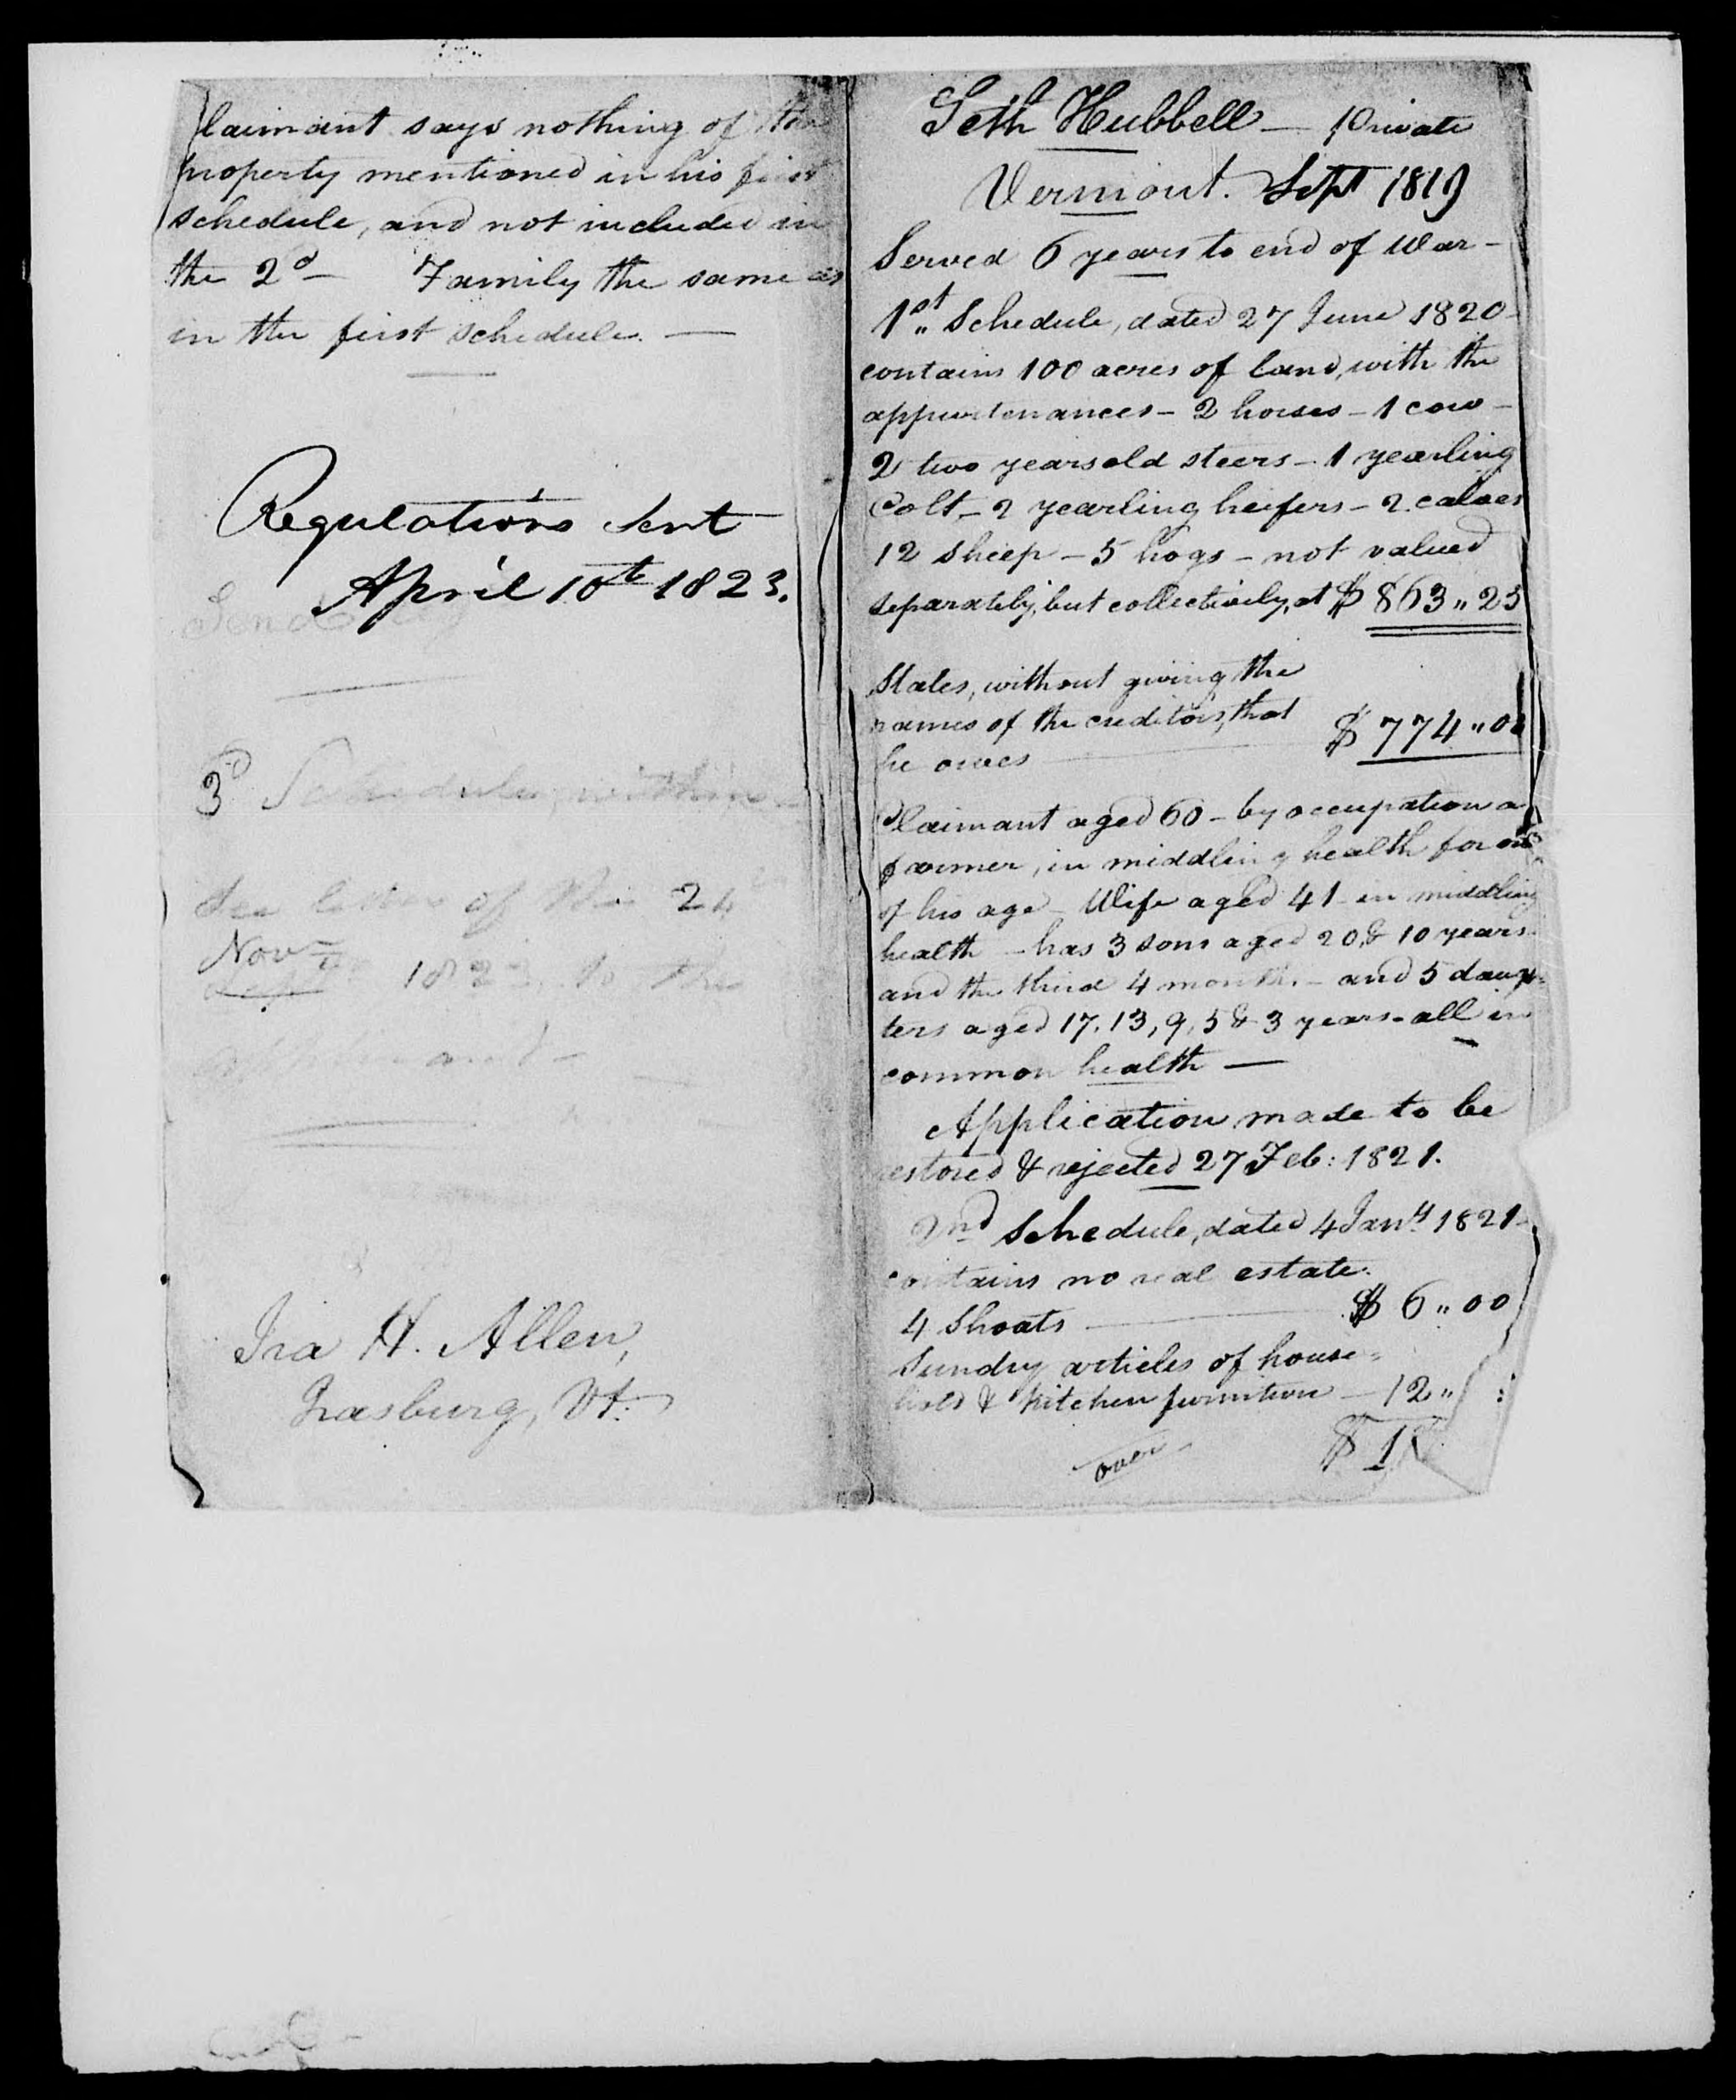[fold covering letters] (C)laim sent says nothing of the [fold covering letters] property mentioned in his first schedule, and not included in the 2d - Family the same as in the first schedule. -
[dash]
Regulations sent April 10th 1823.

Seth Hubbell private
Vermont. Sept 1819
Served 6 years to end of War - 
1st Schedule, dated 27 June 1820 contains 100  acres of land, with the appurtenances- 2 horses- 1 cow - 2 two years old steers - 1 yearling Colt - 2 yearling heifers - 2 calves
12 sheep - 5 hogs - not valued separately but collectively at $ 863.25 [double underlined]

States, without giving the names of the creditors that he owes $774.00 [underlined]
Claimant aged 60-by occupation a farmer, in middling health for [damaged] of his age-Wife aged 41-in middling health-has 3 sons aged 20,&10 years and the third 4 months-and 5 daughters aged 17, 13, 9, 5 & 3 years -all in common health-

Application made to be restored & rejected 27 Feb 1821.
2nd Schedule, dated 4 Jany 1821 contains no real estate

4 Shoats - 6.00
Sundry articles of house lists & kitchen furniture 12.00

$1[fold] [presume $18.00]

_______
over
_______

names: Seth Hubbell, Ira H Allen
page: 41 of 114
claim: widow's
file: W. 2115, Seth Hubbell, Conn.